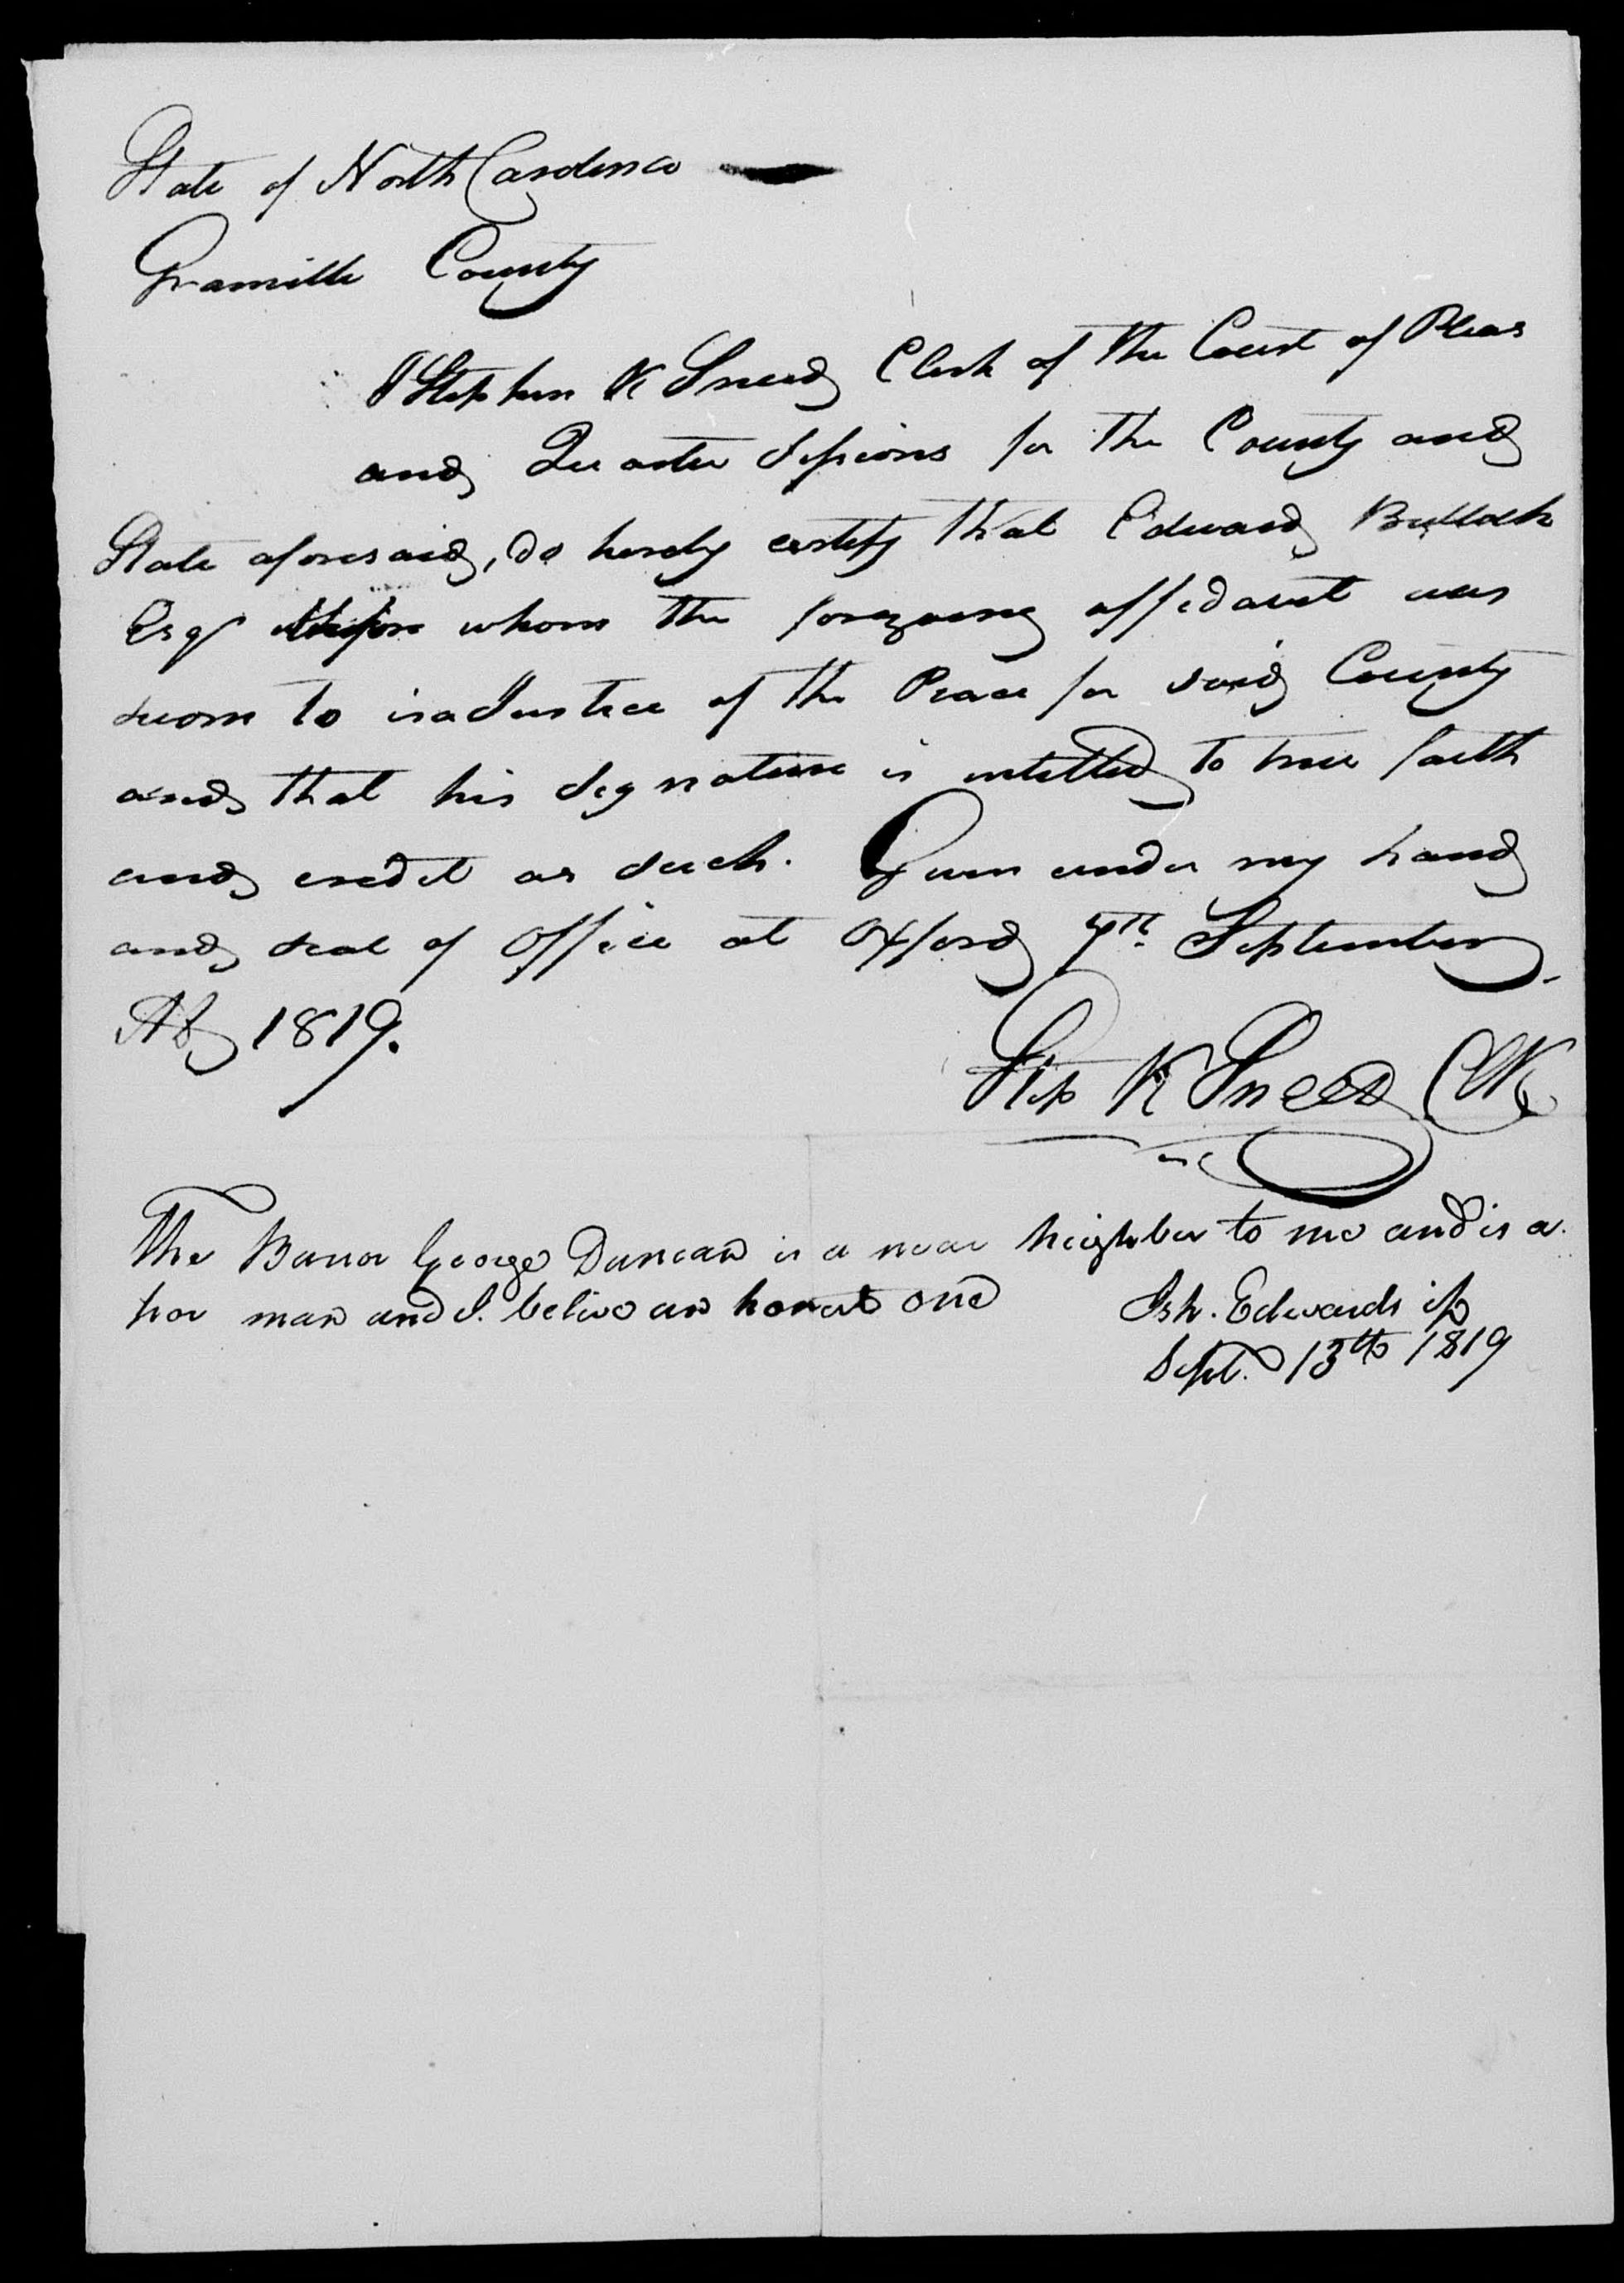State of North Carolina
Granville County

I Stephen K. Sneed Clerk of the Court of Pleas and Quarter Sessions for the County and State aforesaid, do hereby certify that Edward Bullock Esq. before whom the foregoing affidavit was sworn to is a Justice of the Peace for said County and that his signature is entitled to true faith and credit as such.  Given under my hand and seal of Office at Oxford 7th September A.D. 1819.
Step. K Sneed  Clk


The Barror (Bearer) George Duncan is a near neighbor to me and is a poor man and I believe an honest one. 
Ish. Edwards
Sept 13th 1819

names: George Duncan, Ish Edwards, Step K Sneed, Edward Bullock, Stephen K Sneed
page: 18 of 49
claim: survivor's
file: S. 41513, George Duncan, N.C.